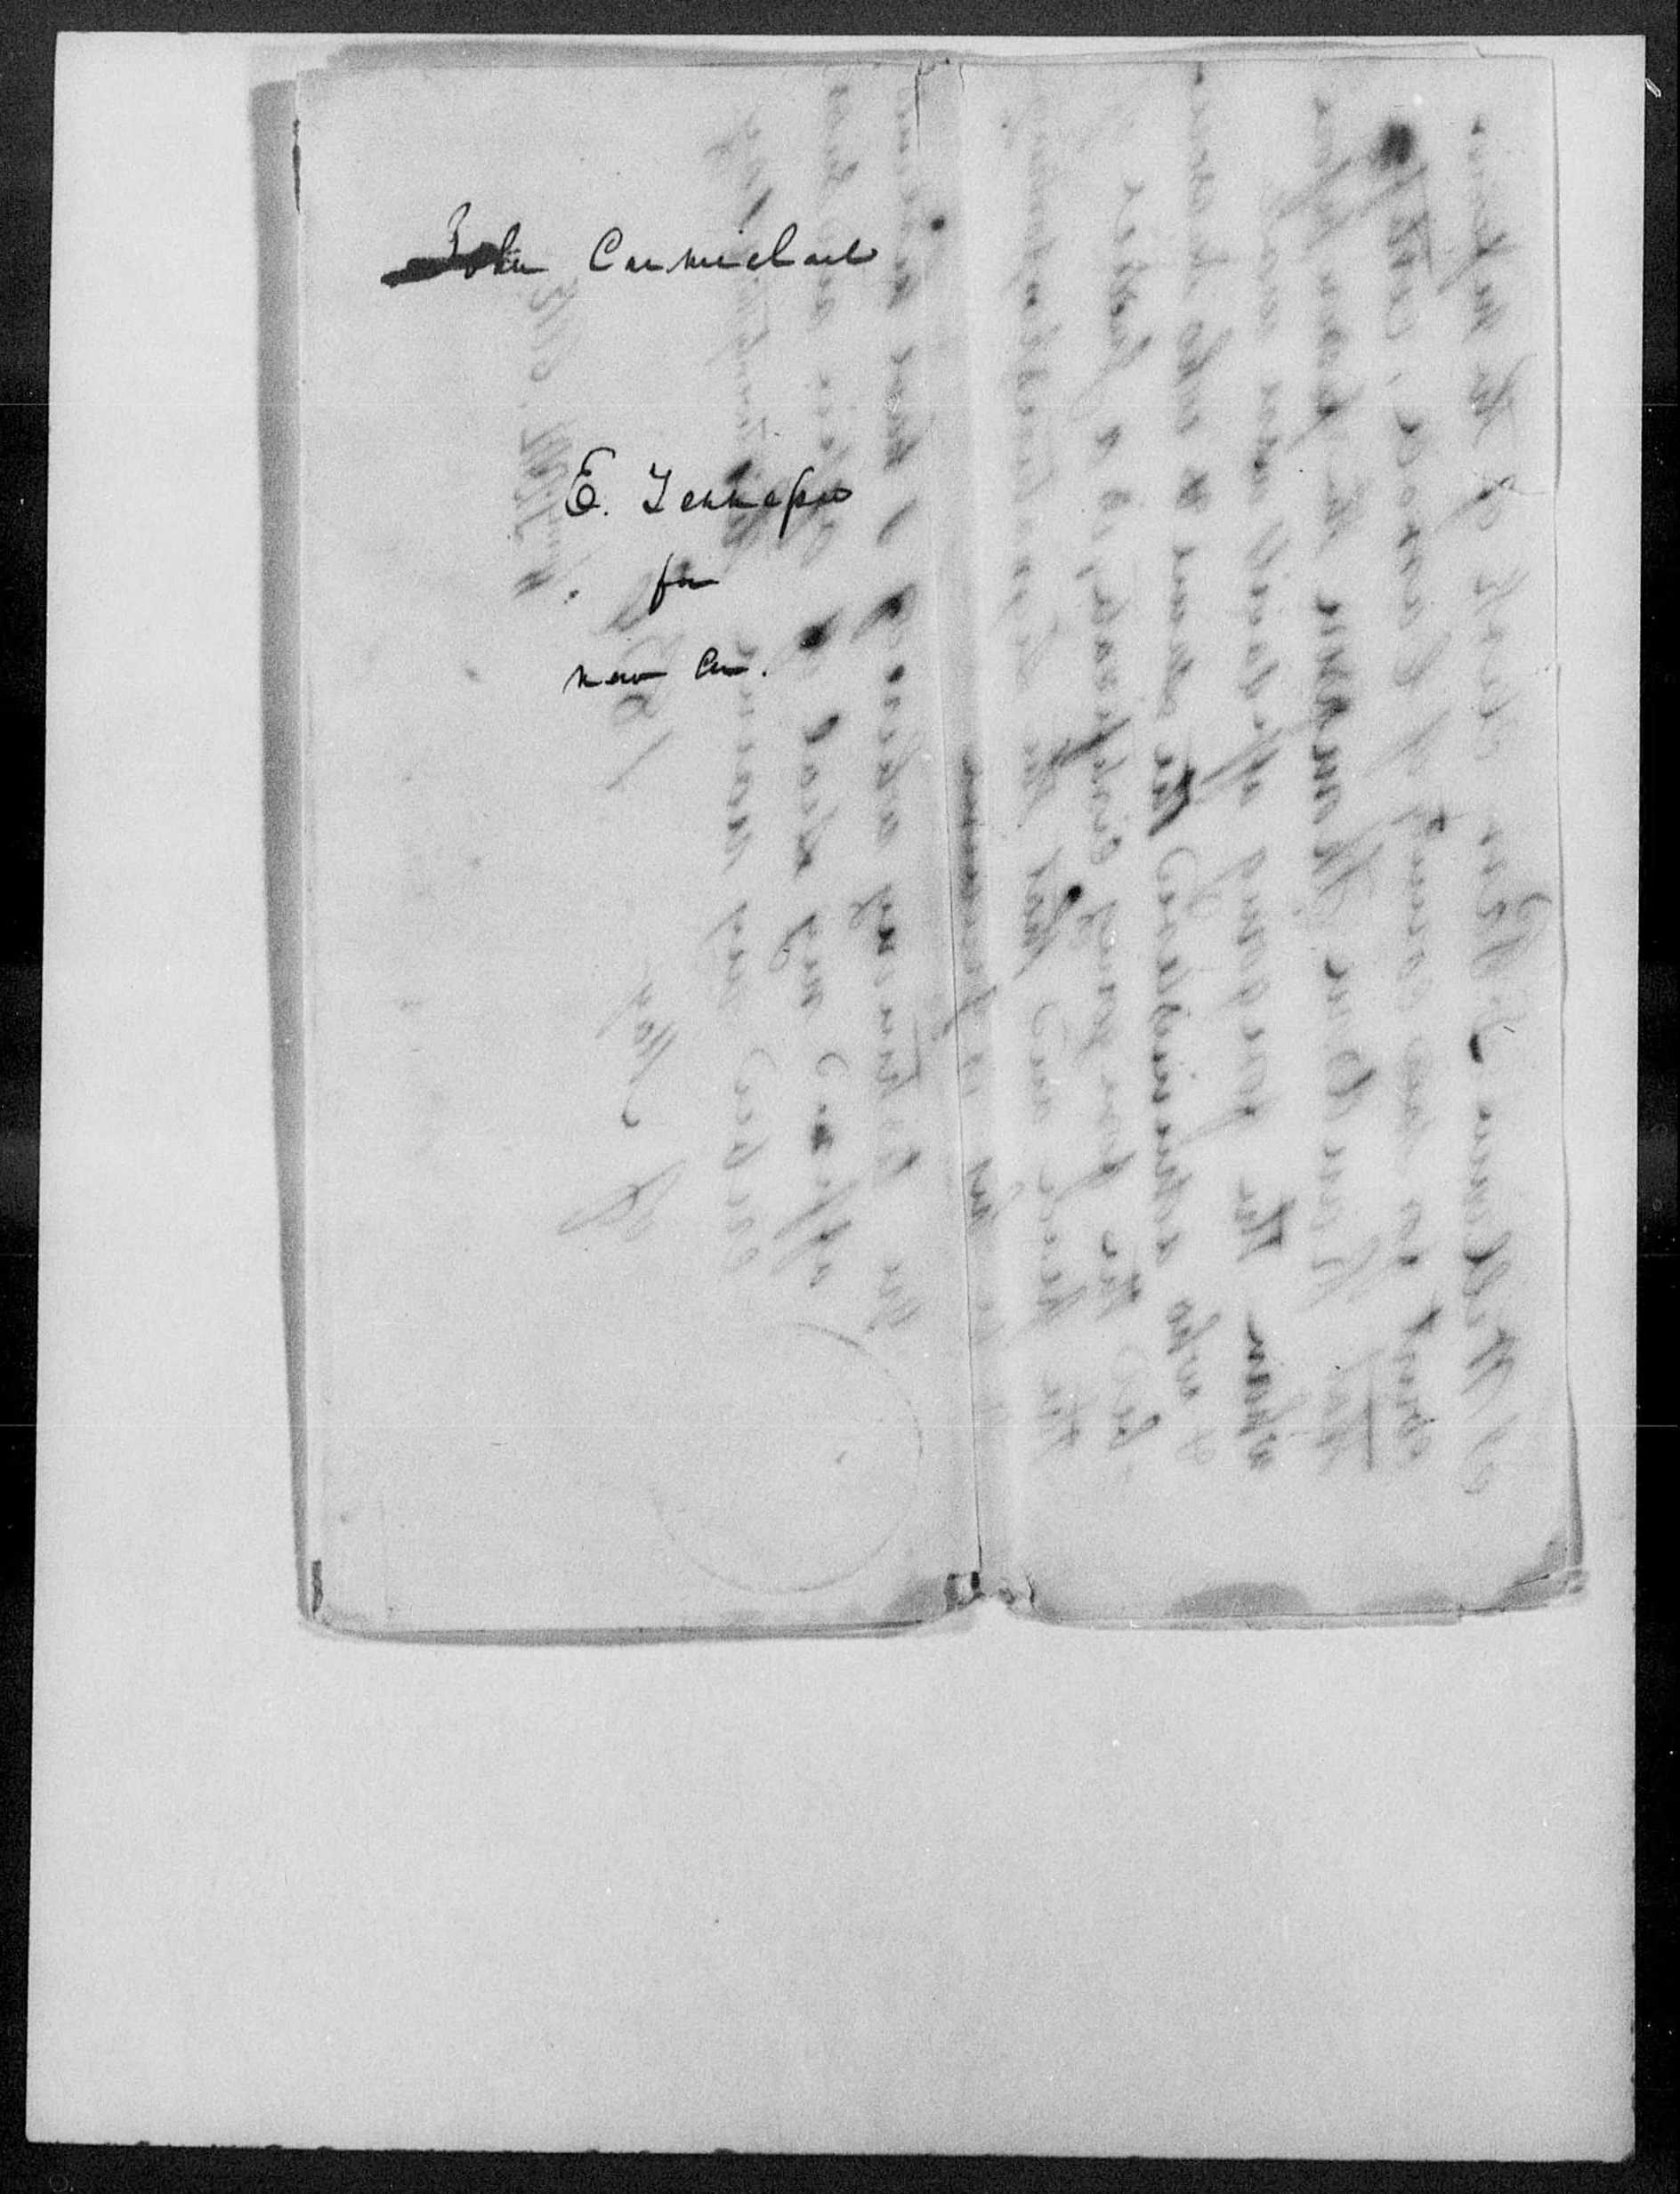John Carmichael 

E. Tennessee
for
 ?service ?Cer.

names: John Carmichael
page: 24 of 42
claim: survivor's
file: S. 31,595, John Carmickele, Penn.